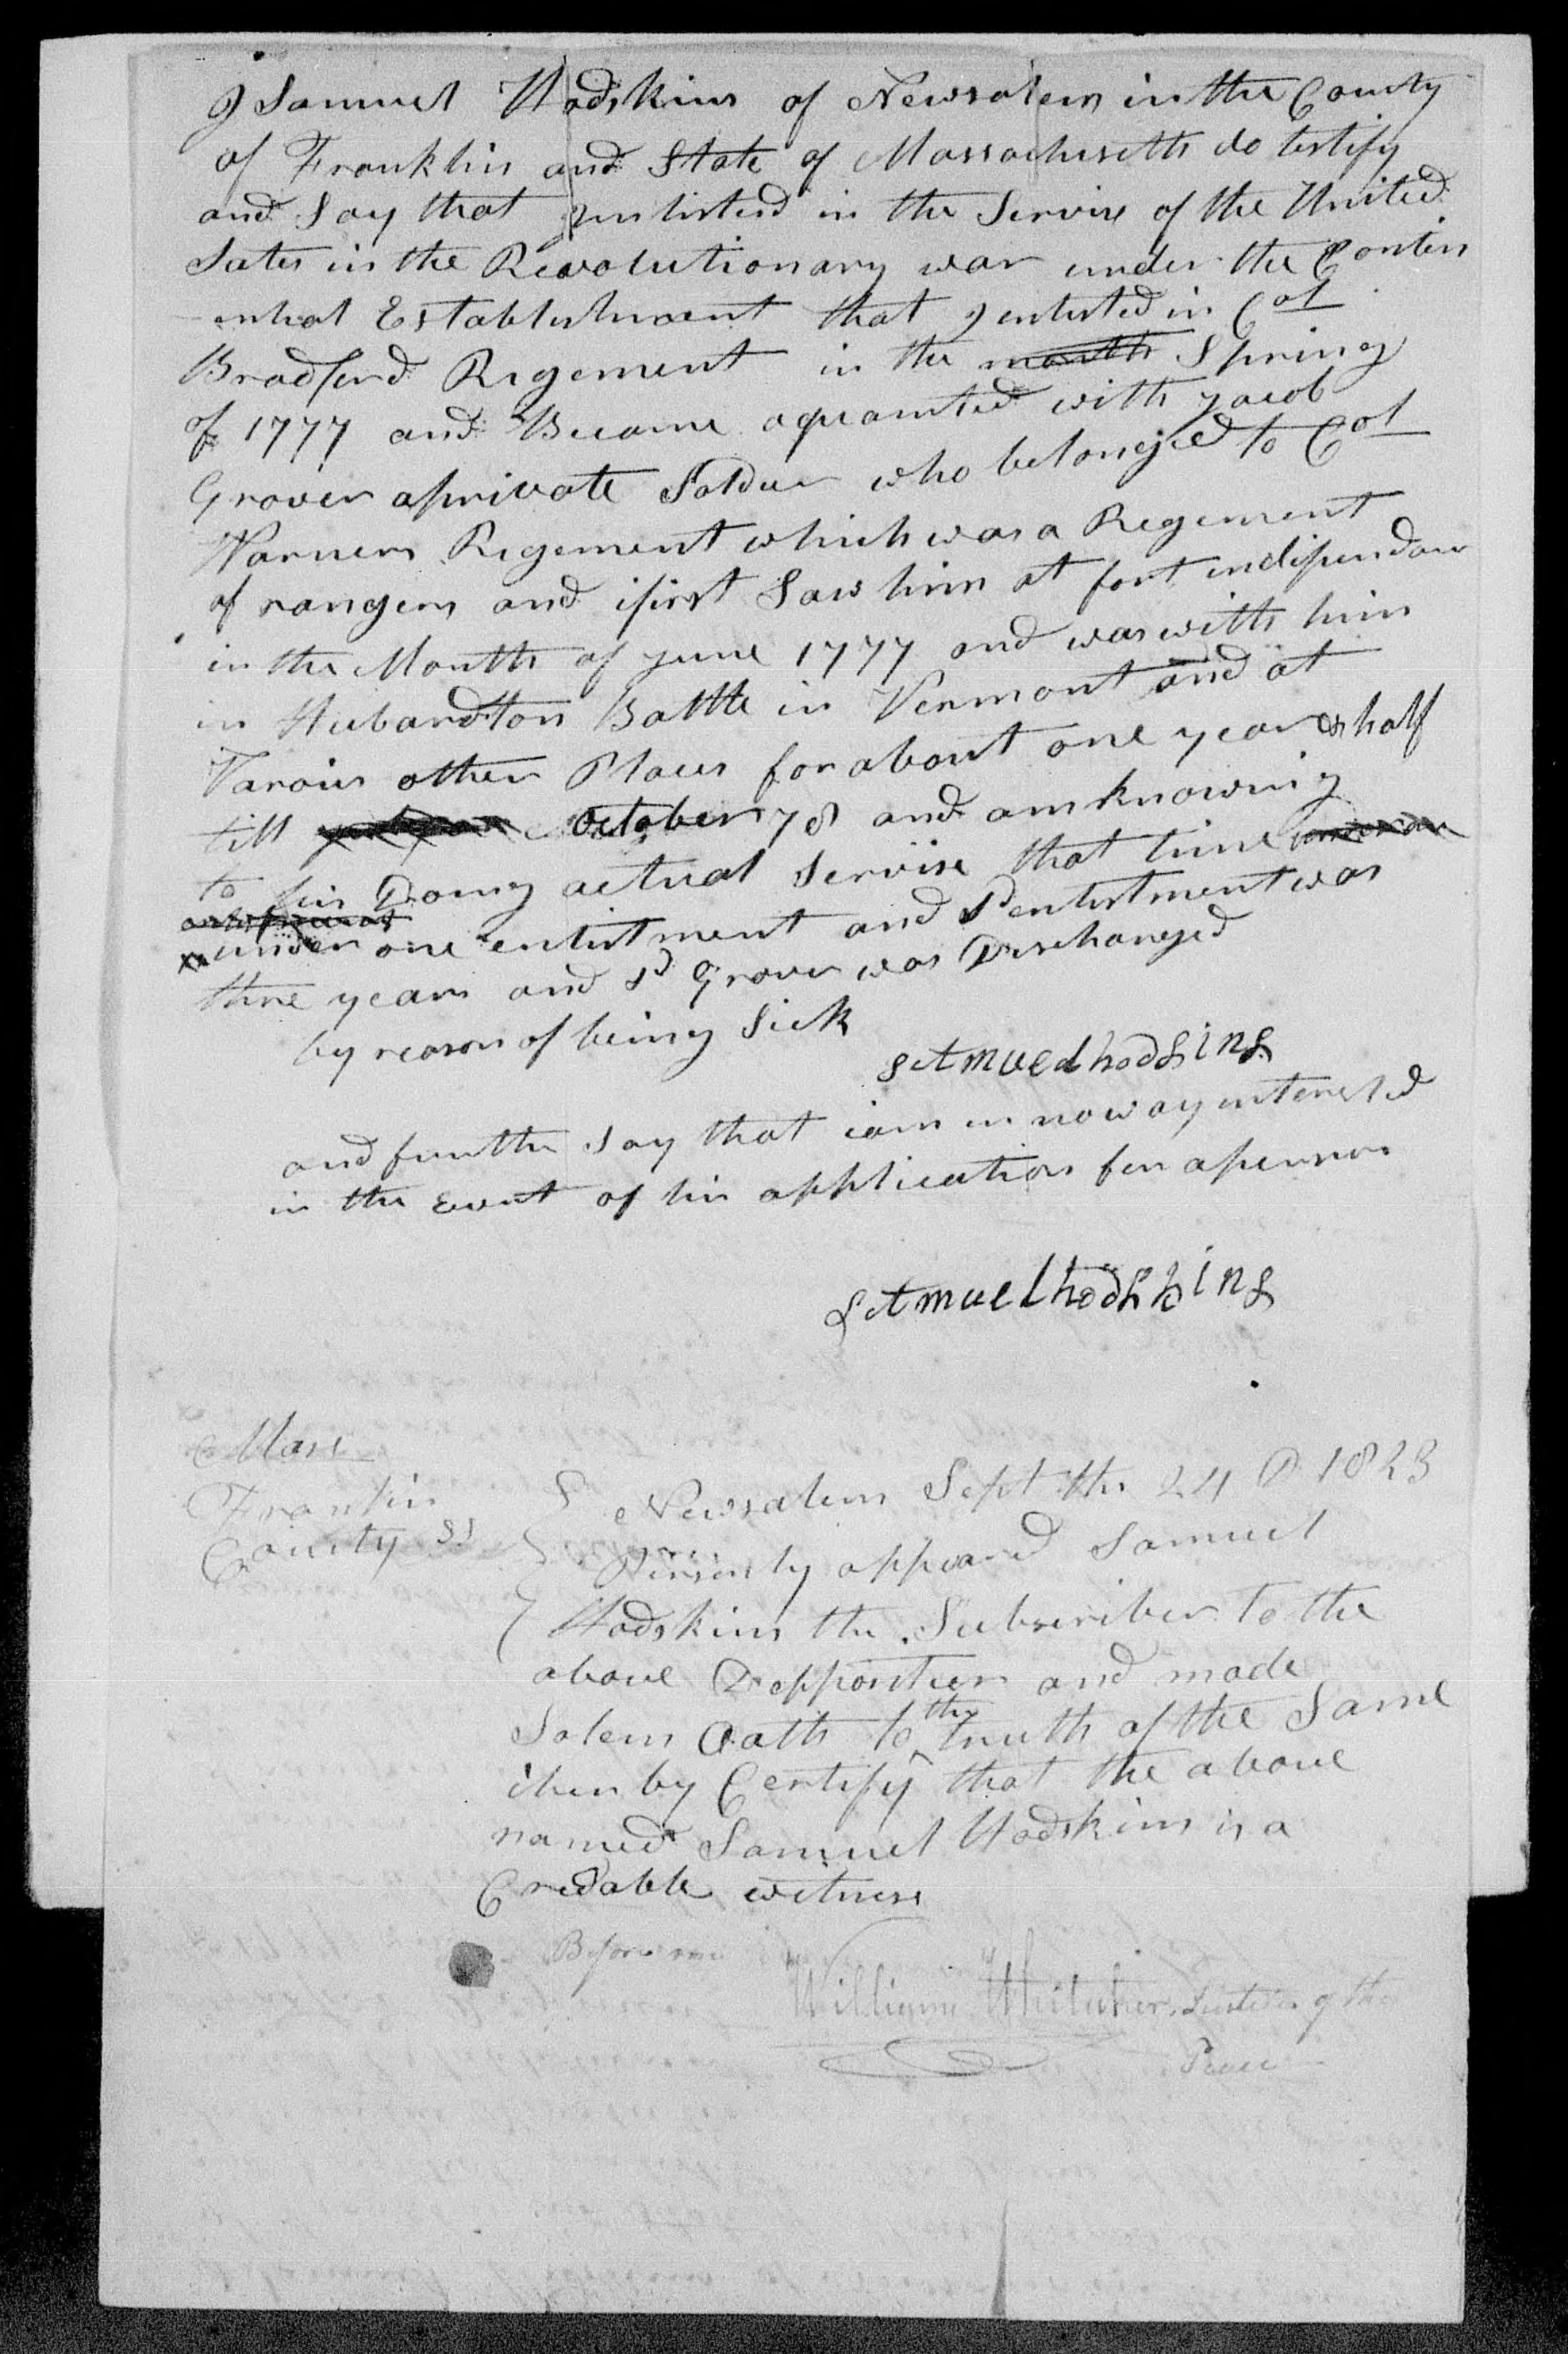I Samuel Hodskins of Lewistown in the county of Franklin and State of Massachusetts do testify and say that I enlisted in the service of the United States in the Revolutionary War under the 9?) what establishment that I enlisted in Col. Bradford Regiment in the spring of 1777 and became acquainted with Jacob Grover a private soldier who belonged to Col. Warrens Regiment which was a Regiment of rangers and I first saw him at Fort Independence in the month of June 1777 and was with him in Hubbardton Battle in Vermont and at various other places for about one year & half till October 7 and am knowing to his doing actual service that time under one enlistment and enlistment was three years and Grover was discharged by reason of being sick
Setmuel Hodling
and further say that (?) no way intend in the event of his application for a pension
Setmuel Hodlbins(?)

Franklin County 
Mass
New Salem September 24 AD 1823
Personally appeared Samuel Hodskins the Subscriber to the above Deposistion and made solem oath to the truth of the Same hereby certify that the above named Samuel Hodskins is a credible witness before me William Whitaker
Justice of the Peace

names: Samuel Hodkins, William Whitaker, Samuel Hodskins, Samuel Hodskins, Samuel Hodskins, Grover, Saml Wenby, Jacob Grover, Samuel Hodskins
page: 19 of 22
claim: survivor's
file: S. 38777, Jacob Grover, Continental (Vt.)